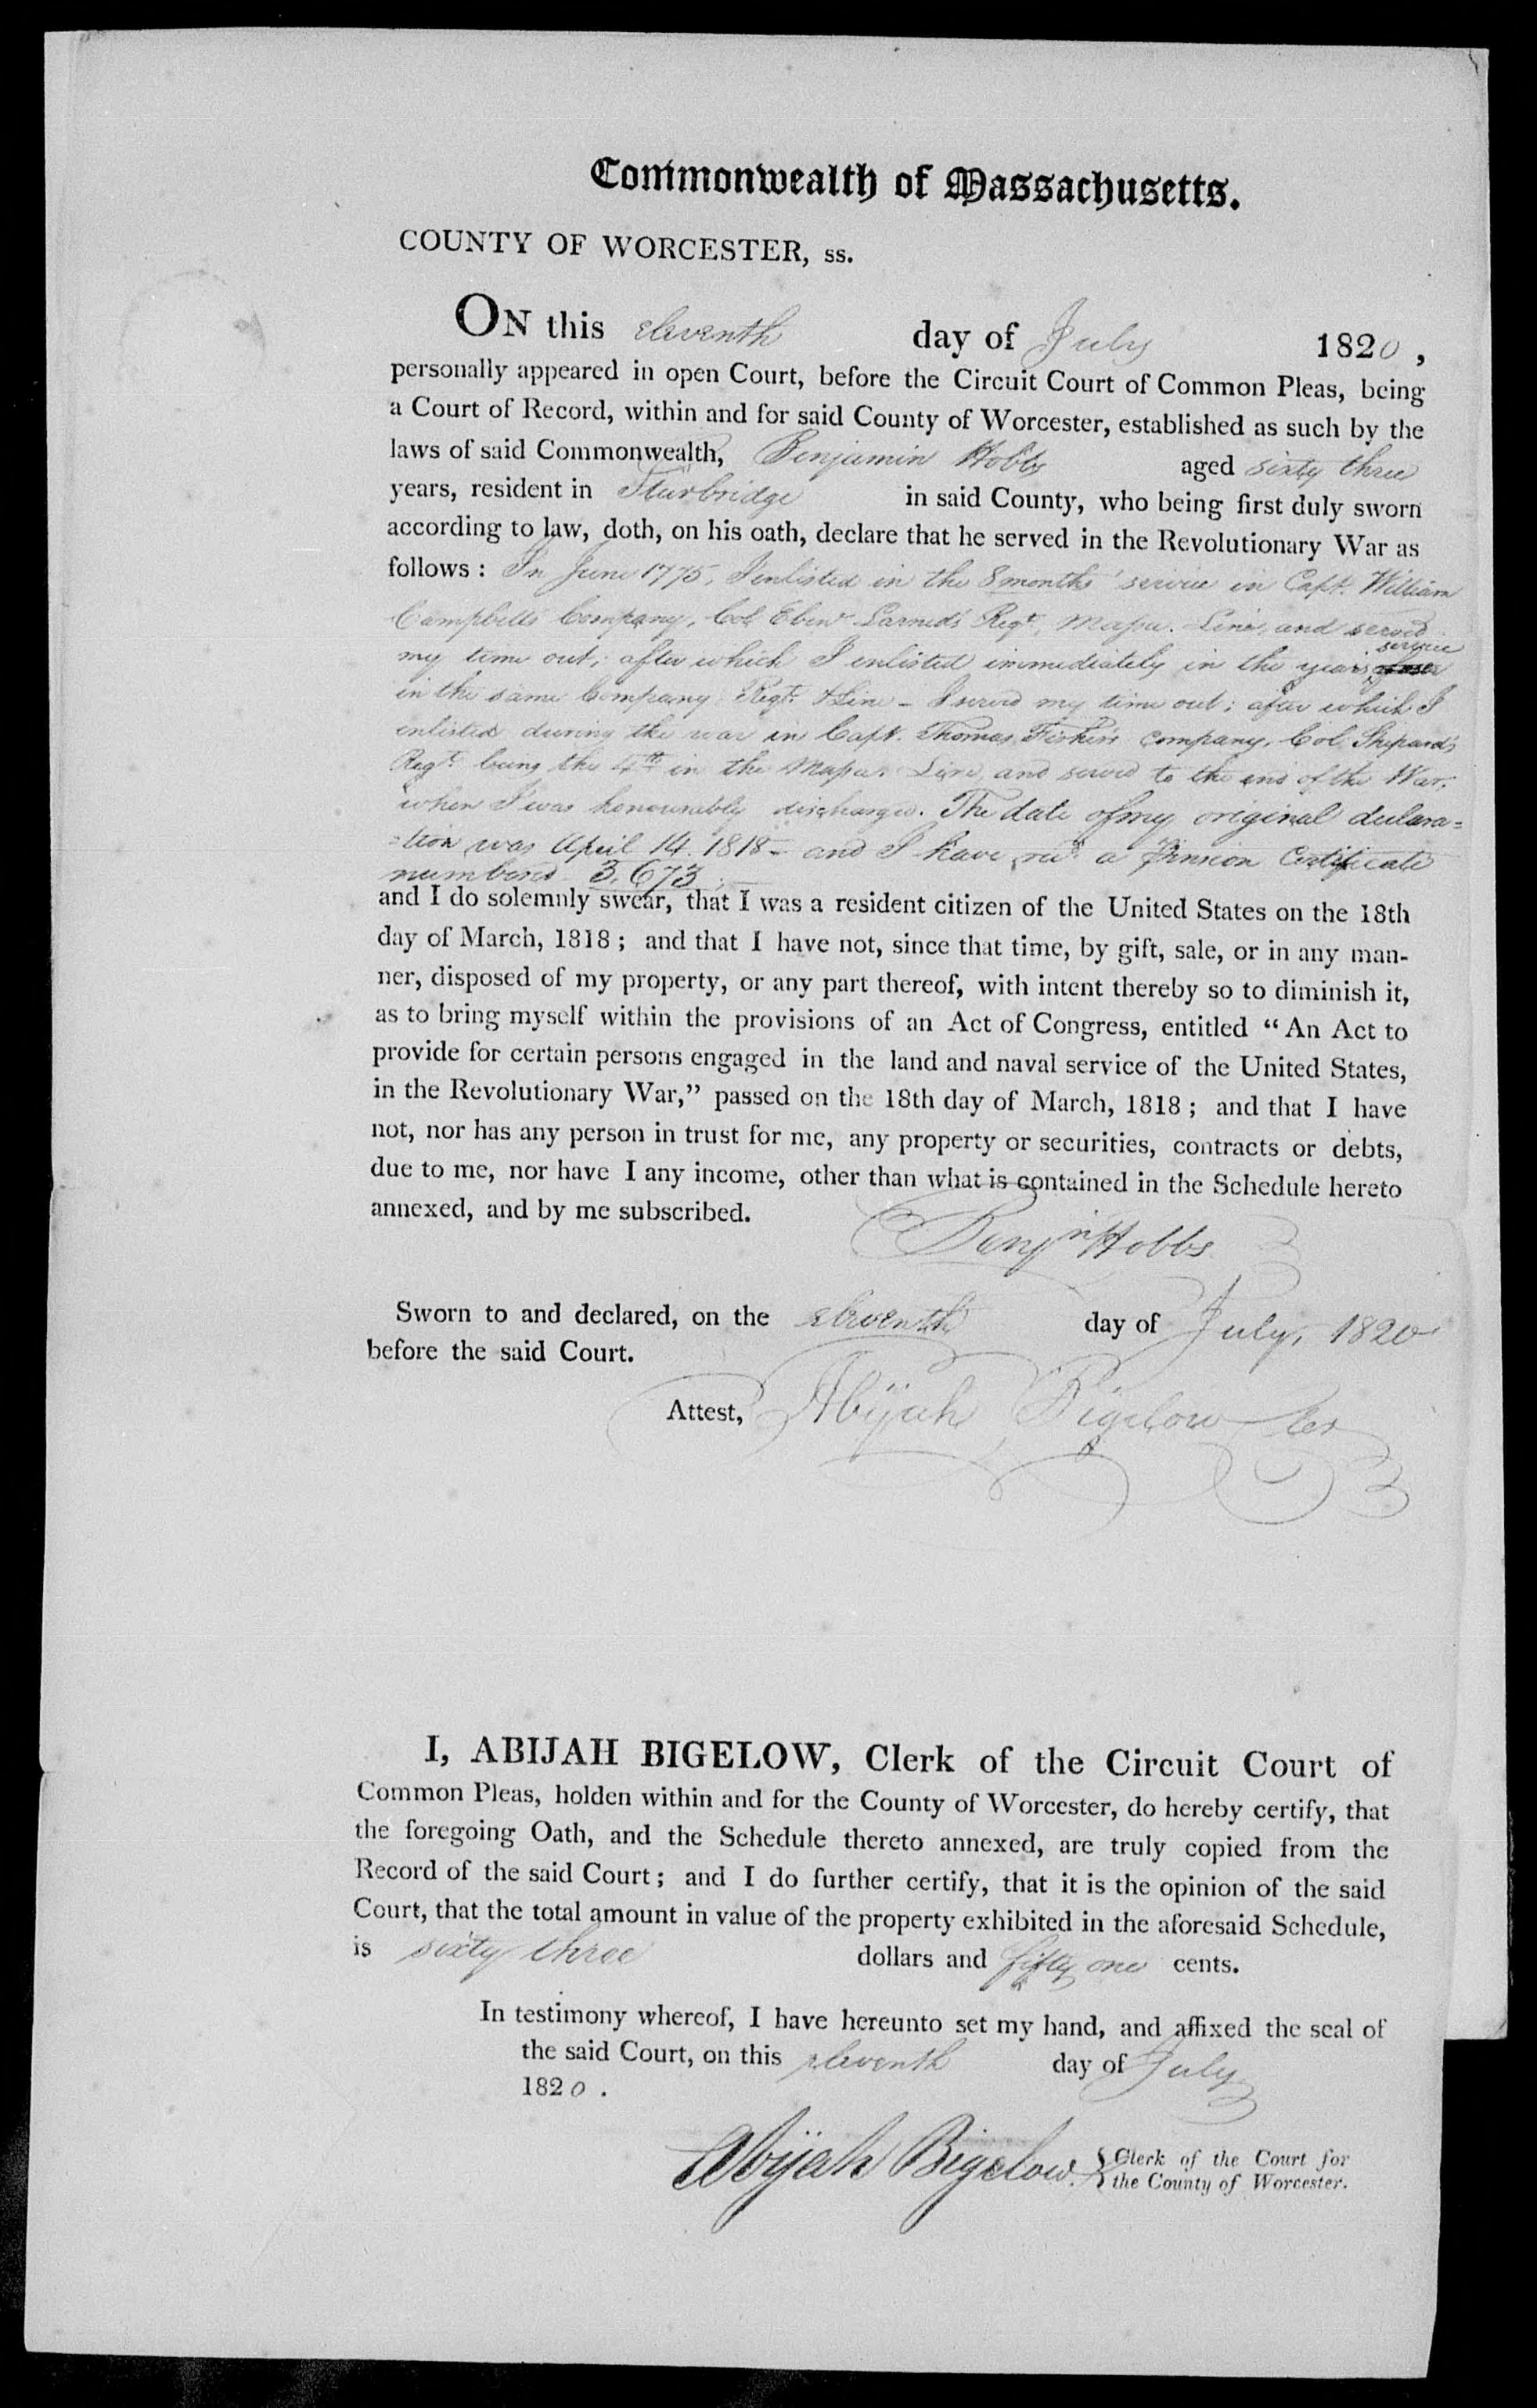Commonwealth of Massachusetts.

COUNTY OF WORCESTER, ss.

On this eleventh day of July 1820, personally appeared in open Court, before the Circuit Court of Common Pleas, being a Court of Record, within and for said County of Worcester, established as such by the laws of said Commonwealth, Benjamin Hobbs, aged sixty three years, resident in Sturbridge in said County, who being first duly sworn according to law, doth on his oath, declare that he served in the Revolutionary War as follows:

In June 1775, I enlisted in the 8 months' service in Capt. William Campbell's Company, Col Ebenr Larned's Regt., Mass. Line, and served my time out; after which I enlisted immediately in the year's service in the same Company, Regt. & Line. I served my time out; after which I enlisted during the war in Capt. Thomas Fisker's company, Col Shepard's Regt. being the 4th in the Mass. Line, and served to the end of the War, when I was honourably discharged. The date of my original declaration was April 14, 1818. and I have recd a Pension Certificate numbered 3,673; 

and I do solemnly swear, that I was a resident citizen of the United States on the 18th day of March, 1818; and that I have not, since that time, by gift, sale, or in any manner, disposed of my property, or any part thereof, with intent thereby so to diminish it, as to bring myself within the provisions of an act of Congress, entitled "An Act to provide for certain persons engaged in the land and naval service of the United States, in the Revolutionary War," passed on the 18th day of March, 1818; and that I have not, nor has any person in trust for me, any property or securities, contracts or debts, due to me, nor have I any income, other than what is contained in the Schedule hereto annexed, and by me subscribed.
Benjn Hobbs

Sworn to and declared on the eleventh day of July, 1820 before the said Court.
Attest, Abijah Bigelow Clerk

I, Abijah Bigelow, Clerk of the Circuit Court of Common Pleas, holden within and for the County of Worcester, do hereby certify, that the foregoing Oath, and the Schedule thereto annexed, are truly copied from the Record of the said Court; and I do further certify, that it is the opinion of said Court, that the total amount in value of the property exhibited in the aforesaid Schedule, is sixty three dollars and fifty one cents.

In testimony whereof, I have hereunto set my hand, and affixed the seal of said Court, on this eleventh day of July 1820.
Abijah Bigelow. {Clerk of the Court for the County of Worcester.}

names: Benjamin Hobbs, Abijah Bigelow, Benjn Hobbs, Abijah Bigelow, Abijah Bigelow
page: 10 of 13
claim: survivor's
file: S. 32,846, Benjamin Hobbs, Continental Mass. & War Of 1812